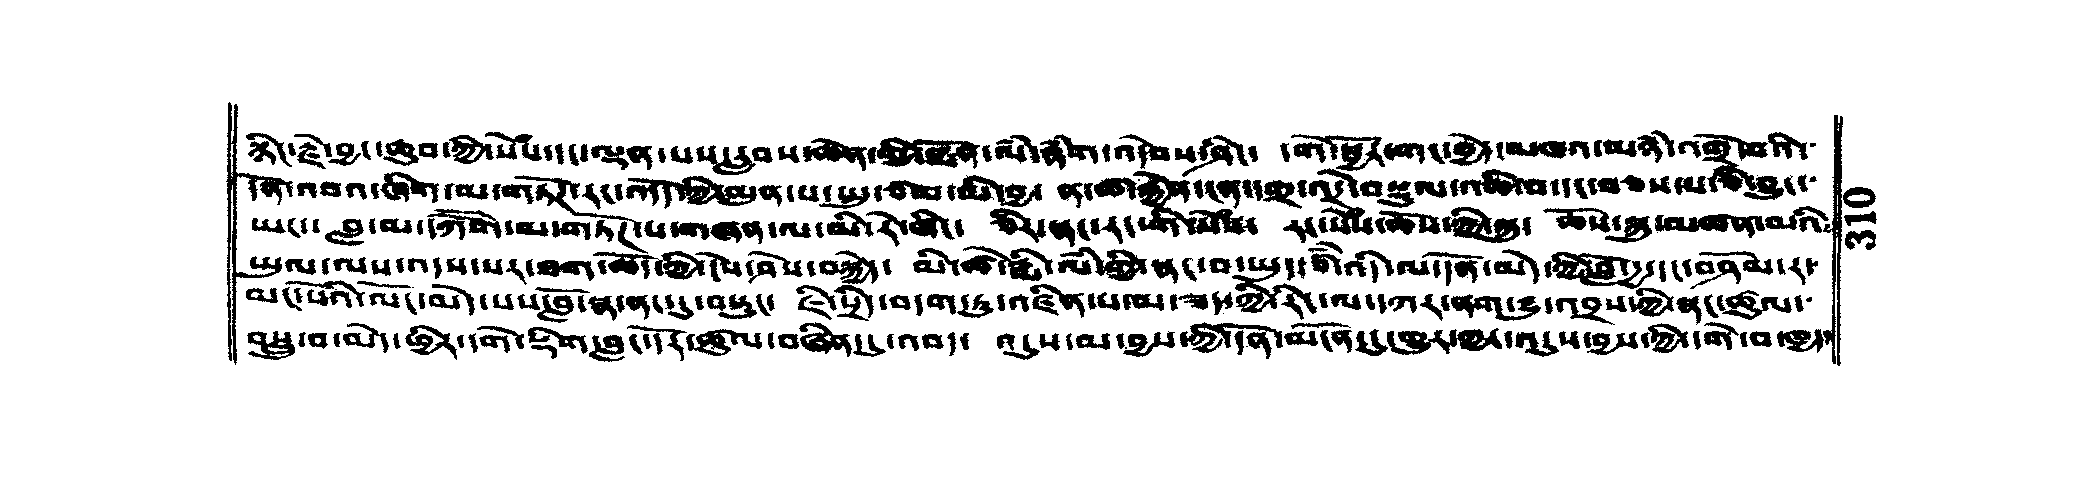སྙིང་རྗེ་བྱང་ཆུབ་ཀྱི་སེམས་དང་ལྡན་པས་རླབས་ཆེན་གྱི་སྨོན་ལམ་རྣམ་དག་འདེབས་ཤིང་། དགེ་སྦྱོར་གང་བྱེད་མཁའ་མཉམ་འགྲོ་བའི་
དོན་འབའ་ཞིག་མ་གཏོགས་རང་འདོད་ཀྱི་མུན་པ་སྤུ་ཙམ་མི་བྱ། ན་ཚ་རྐྱེན་ངན་དགྲ་འདྲེ་སྡུག་བསྔལ་འཆི་བ་དང་བཅས་ལ་ཅི་བྱུང་
ཡང་། བླ་མ་དཀོན་མཆོག་མ་གཏོགས་པ་གཞན་ལ་མི་རེ་ཞིང་། ཅིར་སྣང་རང་གི་སེམས། རང་སེམས་ཆོས་ཀྱི་སྐུ། ཆོས་སྐུ་མཚན་མའི་
ཡུལ་ལས་འདས་པར་ཐག་ཆོད་ཀྱི་ངེས་ཤེས་བསྐྱེད། མི་ཚེ་རྨི་ལམ་གྱི་སྣང་བ་ཡུད་ཙམ་འདི་ལ་དོན་མེད་ཀྱི་བློ་རྒྱ་དང་བཤོམ་ར་
མང་པོའི་ལོང་མེད་པས་བློ་སྣ་ནང་དུ་བསྟུང་། ཇི་སྲིད་བདག་ཏུ་འཛིན་པ་མ་ཟད་ཀྱི་རིང་ལ་དཀར་ནག་རྒྱུ་འབྲས་ཀྱི་སྣང་ཚུལ་
བསླུ་བ་མེད་ཕྱིར་དགེ་སྡིག་བླང་དོར་ཚུལ་བཞིན་དུ་འབད། འདུས་མ་བྱས་ཀྱི་དོན་མངོན་དུ་གྱུར་ཀྱང་འདུས་བྱས་ཀྱི་དགེ་བ་ཁྱད་